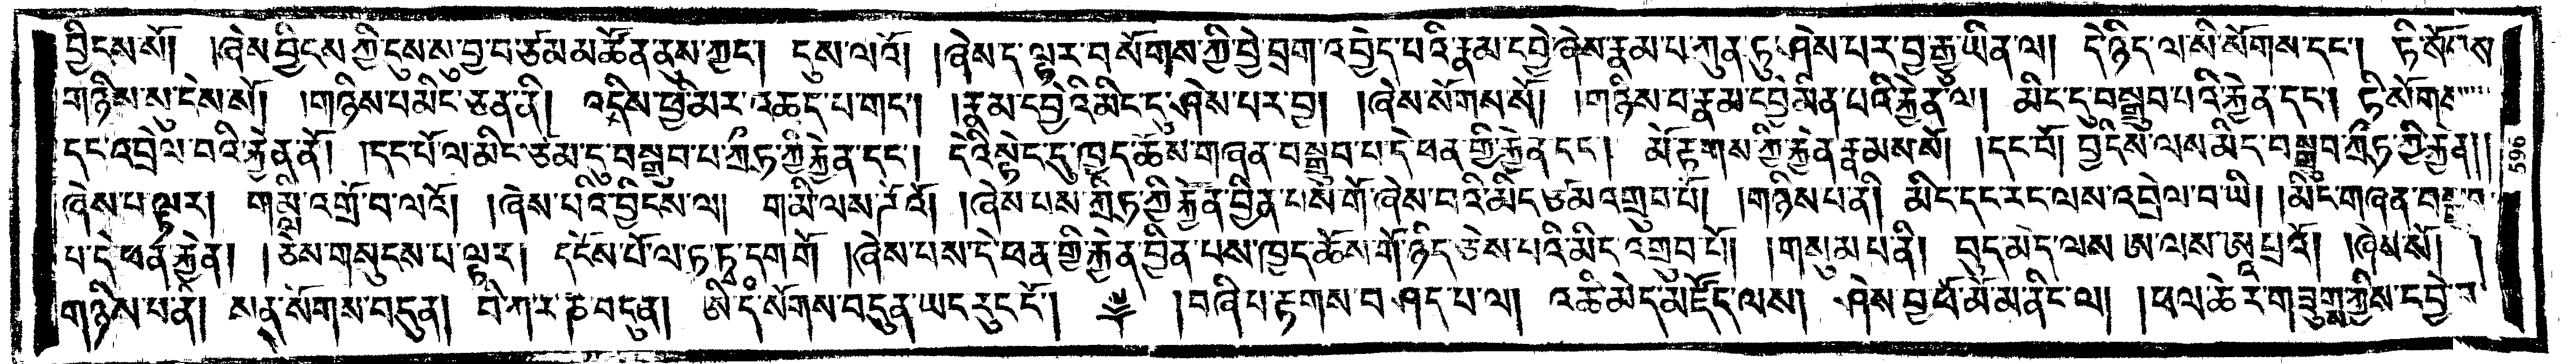བྱིངས་སོ། །ཞེས་དབྱིངས་ཀྱི་དུས་སུ་བྱ་བ་ཙམ་མཚོན་ནུས་ཀྱང་། དུས་ལའོ། །ཞེས་ད་ལྟར་བསོགས་ཀྱི་བྱེ་བྲག་འབྱེད་པའི་རྣམ་དབྱེ་ཞེས་རྣམ་པ་ཀུན་ཏུ་ཤེས་པར་བྱ་རྒྱུ་ཡིན་ལ། དེ་ཉིད་ལ་སི་སོགས་དང་། ཏོ་སོབས་
གཉིས་སུ་ངེས་སོ། །གཉིས་པ་མིང་ཅན་ནི། འདིས་ཕྱི་མར་འཆད་པ་གང་། །རྣམ་དབྱེའི་མིང་དུ་ཤེས་པར་བྱ། །ཞེས་སོགས་སོ། །གཉིས་པ་རྣམ་དབྱེ་མིན་པའི་རྐྱེན་ལ། མིང་དུ་བསྒྲུབ་པའི་རྐྱེན་དང་། ཏི་སོགས་
དང་འབྲེལ་བའི་རྐྱེན་ནོ། །དང་པོ་ལ་མིང་ཙམ་དུ་བསྒྲུབ་པ་ཀྲྀཏ་ཀྱི་རྐྱེན་དང་། དེའི་སྟེང་དུ་ཁྱད་ཆོས་གཞན་བསྒྲུབ་པ་དེ་ཕན་གྱི་རྐྱེན་དང་། མོ་རྟགས་ཀྱི་རྐྱེན་རྣམས་སོ། །དང་པོ། བྱིངས་ལས་མིང་བསྒྲུབ་ཀྲྀཏ་ཀྱི་རྐྱེན། །
ཞེས་པ་ལྟར། གམླི་འགྲོ་བ་ལའོ། །ཞེས་པའི་བྱིངས་ལ། ག་མི་ལས་ཌོའོ། །ཞེས་པས་ཀྲིཏྲ་ཀྱི་རྐྱེན་བྱིན་པས་གོ་ཞེས་བའི་མིང་ཙམ་འགྲུབ་པོ། །གཉིས་པ་ནི། མིང་དང་རང་ལས་འབྲེལ་བ་ཡི། །མིང་གཞན་བརྫུ?་བ?
པ་དེ་ཕན་རྐྱེན། །ཅེས་གསུངས་པ་ལྟར། དངོས་པོ་ལ་ཏ་ཏྭ་དག་གོ །ཞེས་པས་དེ་ཕན་གྱི་རྐྱེན་བྱིན་པས་ཁྱད་ཆོས་གོ་ཉིད་ཅེས་པའི་མིང་འགྲུབ་པོ། །གསུམ་པ་ནི། བུད་མེད་ལས་ཨ་ལས་ཨཱ་ཕྲའོ། །ཞེས་སོ། །
གཉིས་པ་ནི། སནུ་སོགས་བདུན། བི་ཀ་ར་ཎ་བདུན། ཨི་དཾ་སོགས་བདུན་ཡང་རུང་ངོ། ༈ །བཞིབ་རྟགས་བཤད་པ་ལ། འཆི་མེད་མཛོད་ལས། ཤེས་བྱ་ཕོ་མོ་མ་ནིང་ལ། །ཕལ་ཆེ་ར་གཟུགས་ཀྱིས་དབྱེ་བ་